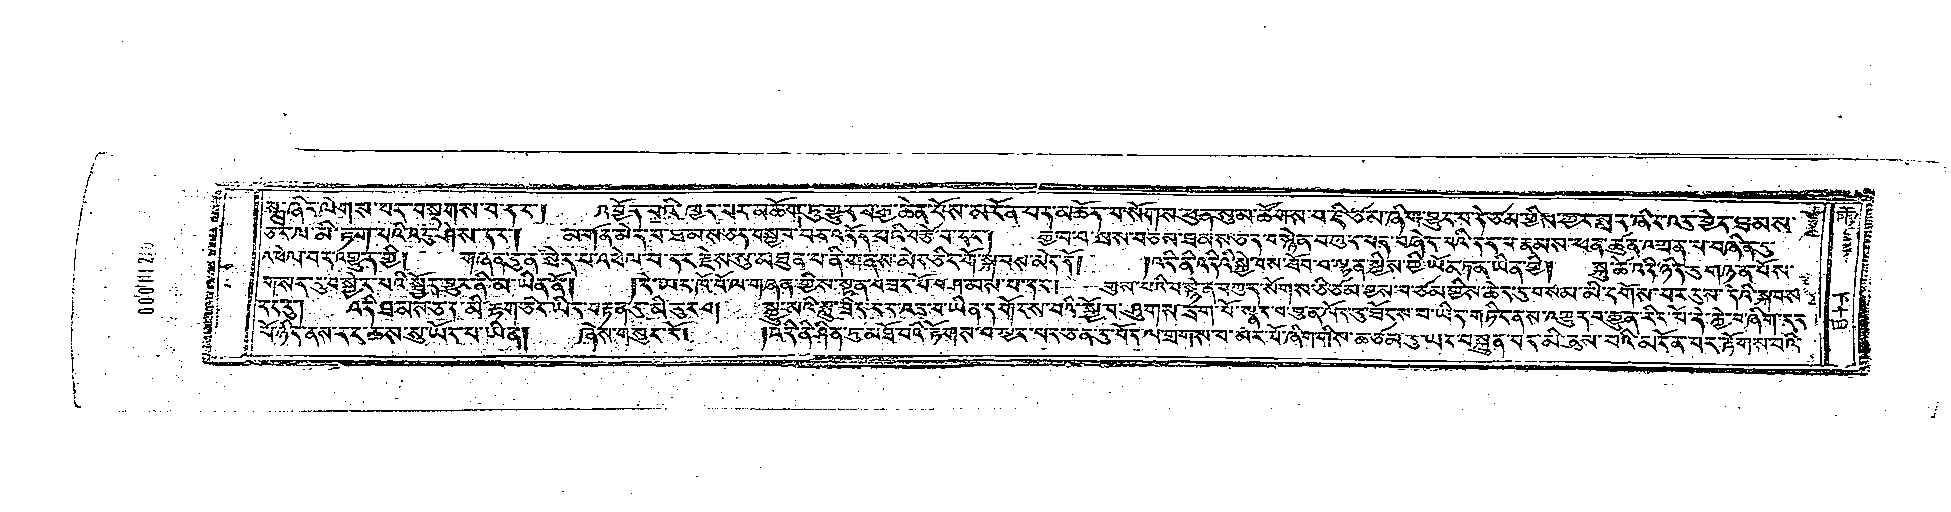སྨྲ་ཞིང་ལེགས་པར་བསྔགས་པ་དང་། འབྱོར་བའི་ཁྱད་པར་མཆོག་ཏུ་གྱུར་པ་རྒྱ་ཆེན་པོས་མངོན་པར་མཆོད་པ་སོགས་ཕུན་ཚོགས་པ་ཇི་ཙམ་ཞིག་བྱུང་བ་དེ་ཙམ་གྱིས་ཀྱང་སླར་ཞིང་འདུ་བྱེད་ཐམས་
ཅད་ལ་མི་རྟག་པའི་འདུ་ཤེས་དང་། མགོན་མེད་པ་ཐམས་ཅད་བསྐྱབ་པར་འདོད་པའི་བརྩེ་བ་དང་། རྒྱལ་བ་སྲས་བཅས་ཐམས་ཅད་བསྙེན་བཀུར་པར་བཞེད་པའི་དད་པ་རྣམས་ཕན་ཚུན་འགྲན་པ་བཞིན་དུ་
འཕེལ་བར་འགྱུར་གྱི། གཞན་དུ་ན་སྲེད་པ་འཕེལ་བ་དང་རྗེས་སུ་མཐུན་པ་ནི་གནས་མེད་ཅིང་གོ་སྐབས་མེད་དོ། །འདི་ནི་འདིའི་སྐྱེ་བས་ཐོབ་བ་ལྷན་སྐྱིས་ཀྱི་ཡོན་ཏན་ཡིན་གྱི། སྐུ་ཚེ་འདི་ཉིད་དུ་གཉན་པོས་
གསར་དུ་བསྐྱེད་པའི་སྦྱོར་བྱུང་ནི་མ་ཡིན་ནོ། །དེ་ཡང་ཁོ་བོ་ལ་གཞན་གྱིས་སྟན་བཟང་པོ་བཤམས་པ་དང་། གུས་པའི་བསྙེན་བཀུར་སོགས་ཅི་ཙམ་བྱས་པ་ཙམ་གྱིས་ཆེད་དུ་བསམ་མི་དགོས་པར་དུས་དེའི་སྐབས་
དང་དུ། འདི་ཐམས་ཅད་མི་རྟག་ཅིང་ཡིད་བརྟན་དུ་མི་རུང་བ། སྒྱུ་མའི་སླུ་བྲིད་དང་འདྲ་བ་ཡིན་དགོངས་པའི་སྐྱོ་བ་ཤུགས་དྲག་པོ་སྣང་བ་བུན་ལོང་དུ་ཐོངས་པ་ཡིད་གཏིང་ནས་འགྱུར་བ་རྒྱུན་རིང་པོ་རེ་རྐྱེ་བ་ཞིག་དང་
པོ་ཉིད་ནས་རང་ཆས་སུ་ཡོད་པ་ཡིན། ཞེས་གསུང་ངོ། །འདི་ནི་ཤིན་ཏུ་མཐོ་བའི་རྟོགས་པ་ཁྱད་པར་ཅན་དུ་བོད་ལ་གྲགས་བ་མང་པོ་ཞིག་གིས་ཆ་ཙམ་དུ་ཡང་བསྐྲུན་པར་མི་ནུས་པའི་མངོན་པར་རྟོགས་པའི་